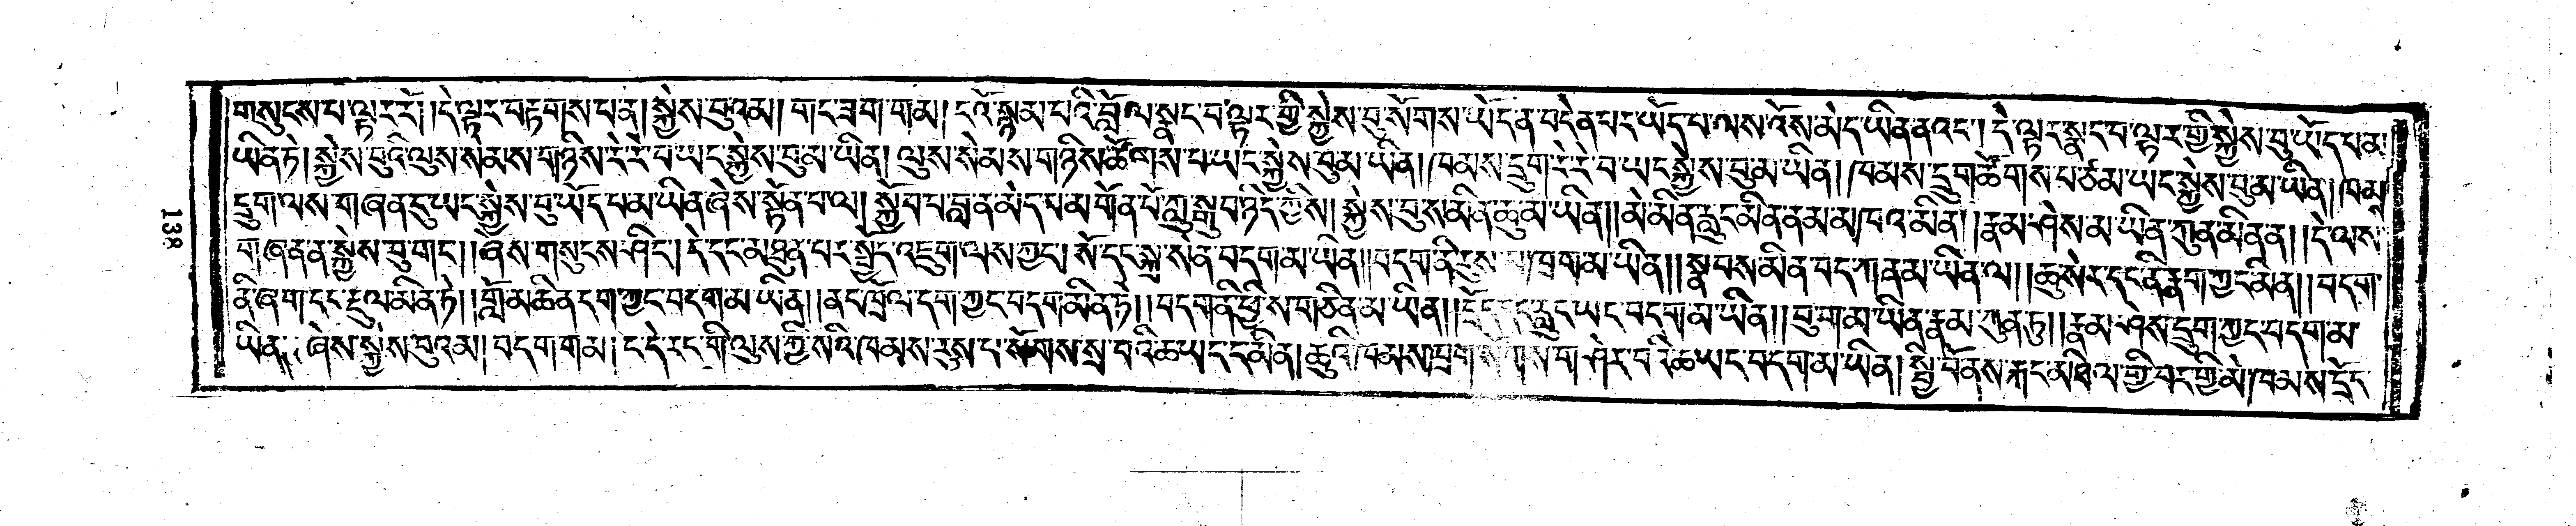གསུངས་པ་ལྟར་རོ། །དེ་ལྟར་བརྟགས་པ་ན། སྐྱེས་བུའམ། གང་ཟག་གམ། ངའོ་སྙམ་པའི་བློ་ལ་སྣང་བ་ལྟར་གྱི་སྐྱེས་བུ་སོགས་ཡོད་ན་བདེན་པར་ཡོད་པ་ལས་འོས་མེད་ཡིན་ནའང་། དེ་ལྟར་སྣང་བ་ལྟར་གྱི་སྐྱེས་བུ་ཡོད་པ་མ་
ཡིན་ཏེ། སྐྱེས་བུའི་ལུས་སེམས་གཉིས་རེ་རེ་བ་ཡང་སྐྱེས་བུ་མ་ཡིན། ལུས་སེམས་གཉིས་ཚོགས་པ་ཡང་སྐྱེས་བུ་མ་ཡིན། ཁམས་དྲུག་རེ་རེ་བ་ཡང་སྐྱེས་བུ་མ་ཡིན། ཁམས་དྲུག་ཚོགས་པ་ཙམ་ཡང་སྐྱེས་བུ་མ་ཡིན། ཁམས་
དྲུག་ལས་གཞན་དུ་ཡང་སྐྱེས་བུ་ཡོད་པ་མ་ཡིན་ཞེས་སྟོན་པ་ལ། སྐྱོབ་པ་བླ་ན་མེད་པ་མགོན་པོ་ཀླུ་སྒྲུབ་ཉིད་ཀྱིས། སྐྱེས་བུ་ས་མིན་ཆུ་མ་ཡིན། །མེ་མིན་རང་མིན་ནམ་མཁའ་མིན། །རྣམ་ཤེས་མ་ཡིན་ཀུན་མིན་ན། །དེ་ལས་
གཞན་ན་སྐྱེས་བུ་གང་། །ཞེས་གསུངས་ཤིང་། དེ་དང་མཐུན་པར་སྤྱོད་འཇུག་ལས་ཀྱང་། སོ་དང་སྐྲ་སེན་བདག་མ་ཡིན། །བདག་ནི་རུས་པ་ཁྲག་མ་ཡིན། །སྣབས་མིན་བད་ཀན་མ་ཡིན་ལ། །ཆུ་སེར་དང་ནི་རྣག་ཀྱང་མིན། །བདག་
ནི་ཞག་དང་རྡུལ་མིན་ཏེ། །གློ་མཆིན་དག་ཀྱང་བདག་མ་ཡིན། །ནང་ཁྲོལ་དག་ཀྱང་བདག་མིན་ཏེ། །བདག་ནི་ཕྱི་ས་གཅེན་མ་ཡིན། །དྲོད་དང་རླུང་ཡང་བདག་མ་ཡིན། །བུ་ག་མ་ཡིན་རྣམ་ཀུན་ཏུ། །རྣམ་ཤེས་དྲུག་ཀྱང་བདག་མ་
ཡིན། །ཞེས་སྐྱེས་བུའམ། བདག་གམ། ང་དེ་རང་གི་ལུས་ཀྱི་སའི་ཁམས་རུས་པ་སོགས་སྲ་བའི་ཆ་ཡང་ང་མིན། ཆུའི་ཁམས་ཁྲག་སོགས་གཤེད་པའི་ཆ་ཡང་བདག་མ་ཡིན། སྤྱི་བོ་ནས་རྐང་མཐིལ་གྱི་བར་གྱི་མེ་ཁམས་དྲོད་